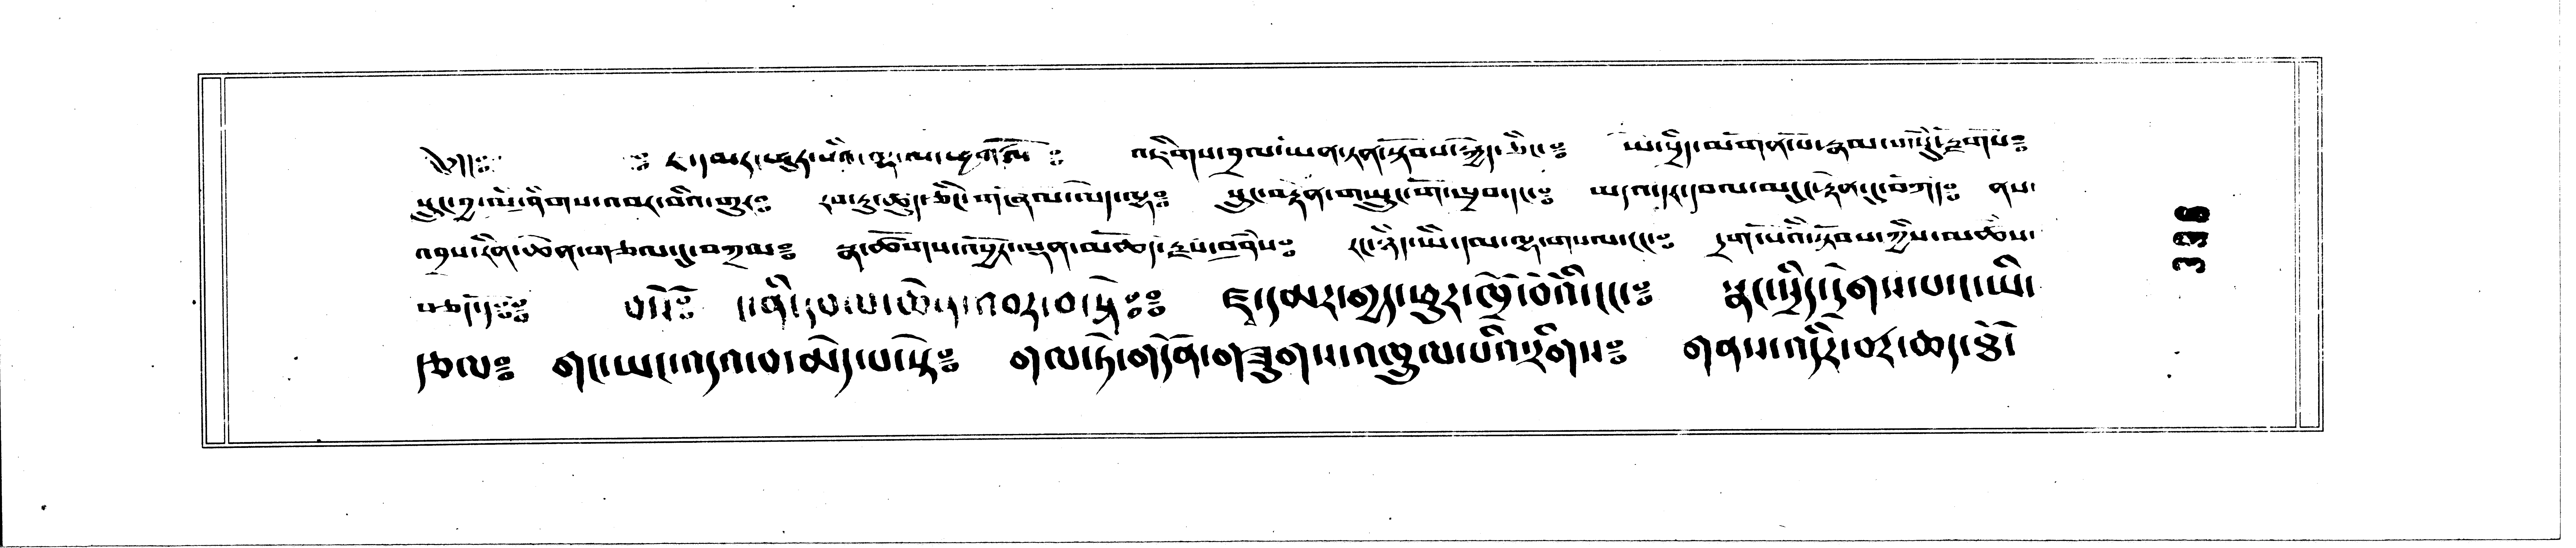༔ཛྭ་དམར་ཕུར་པའི་ལྷ་ལ་ཕྱག་འཚལ་ལོ༔ འཇིགས་བྲལ་ཡོན་ཏན་སྟོབས་སྐྱེད་ཅིང་༔ ཡེ་སྲིད་མགོན་པོ་རྣམ་གསུམ་རྫོགས༔ 
སྲུང་བྱ་མི་ཤིགས་འབར་བའི་གུར༔ རབ་ཏུ་ཚུད་ཅིང་གཞོལ་མེད་ལྷ༔ སྲུང་བརྟེན་གཡུང་དྲུང་གོ་ཁྲབ་དང་༔ མདའ་དར་དབལ་མདུད་རྟེན་དུ་བཀོད༔ ནས་
འབྲས་རིན་ཆེན་གཅལ་དུ་བཀྲམ༔ སྣ་ཚོགས་འབྱོར་ལྡན་མཆོད་རྫས་བཤམས༔ རང་ཉིད་ཡི་དམ་ལྷ་གསལ་ངང་༔ དྲག་པོའི་སྟོབས་ཀྱིས་མཚམས་
བཅད་དོ༔ བསྭོ༔ ང་ནི་དབལ་ཆེན་འབར་བ་སྟེ༔ ཛྭ་དམར་གྱད་ཕུར་ཁྲོ་བོའི་ངང་༔ སྣང་སྲིད་དྲེགས་པ་ང་ཡི་
རྩལ༔ གང་ཡང་འདའ་བ་མེད་པ་སྟེ༔ གལ་ཏེ་གདོན་གཟུགས་འཁྲུལ་པའི་རིགས༔ གནས་འདིར་བར་ཆད་ཐོ་